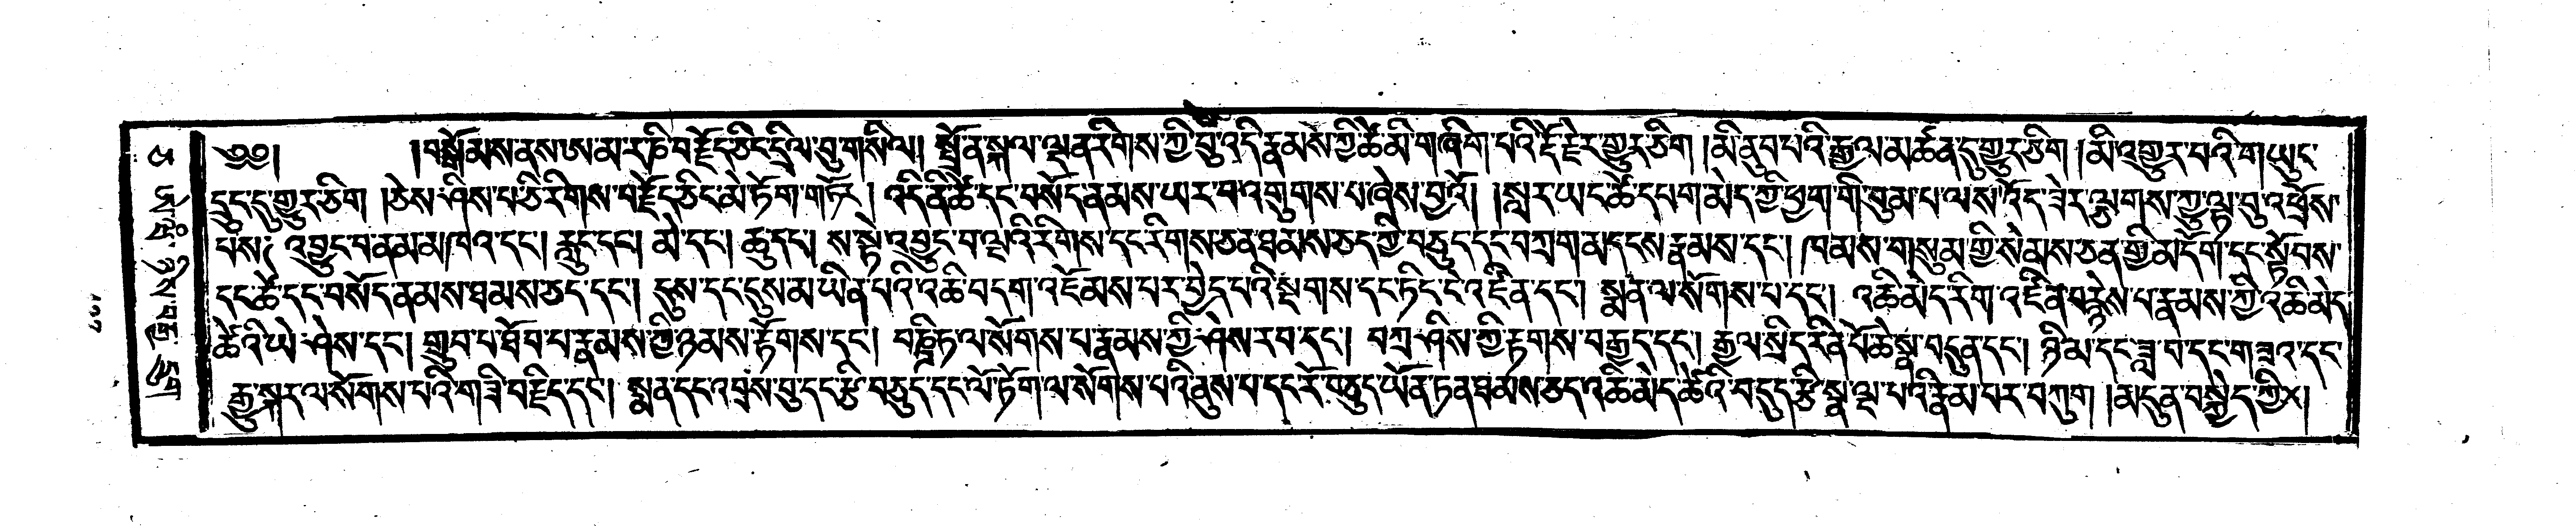༄༅། །བསྒོམས་ནས་ཨ་མ་ར་ཎི་བརྗོད་ཅིང་དྲིལ་བུ་གསིལ། སྤྲོ་ན་སྐལ་ལྡན་རིགས་ཀྱི་བུ་འདི་རྣམས་ཀྱི་ཚེ་མི་གཞིག་པའི་རྡོ་རྗེར་གྱུར་ཅིག །མི་ནུབ་པའི་རྒྱལ་མཚན་དུ་གྱུར་ཅིག །མི་འགྱུར་བའི་གཡུང་
དྲུང་དུ་གྱུར་ཅིག །ཅེས་ཤིས་པ་ཅི་རིགས་བརྗོད་ཅིང་མེ་ཏོག་གཏོར། འདི་ནི་ཚེ་དང་བསོད་ནམས་ཡར་བ་འགུགས་པ་ཞེས་བྱའོ། །སླར་ཡང་ཚེ་དཔག་མེད་ཀྱི་ཕྱག་གི་བུམ་པ་ལས་འོད་ཟེར་ལྕགས་ཀྱུ་ལྟ་བུ་འཕྲོས་
པས༑ འབྱུང་བ་ནམ་མཁའ་དང་། རླུང་དང་། མེ་དང་། ཆུ་དང་། ས་སྟེ་འབྱུང་བ་ལྷའི་རིགས་དང་རིགས་ཅན་ཐམས་ཅད་ཀྱི་བཅུད་དང་བཀྲག་མདངས་རྣམས་དང་། ཁམས་གསུམ་གྱི་སེམས་ཅན་གྱི་མདོག་དང་སྟོབས་
དང་ཚེ་དང་བསོད་ནམས་ཐམས་ཅད་དང་། དུས་དང་དུས་མ་ཡིན་པའི་འཆི་བདག་འཇོམས་པར་བྱེད་པའི་སྔགས་དང་ཏིང་ངེ་འཛིན་དང་། སྨན་ལ་སོགས་པ་དང་། འཆི་མེད་རིག་འཛིན་བརྙེས་པ་རྣམས་ཀྱི་འཆི་མེད་
ཚེའི་ཡེ་ཤེས་དང་། གྲུབ་པ་ཐོབ་པ་རྣམས་ཀྱི་ཉམས་རྟོགས་དང་། པཎྜི་ཏ་ལ་སོགས་པ་རྣམས་ཀྱི་ཤེས་རབ་དང་། བཀྲ་ཤིས་ཀྱི་རྟགས་བརྒྱད་དང་། རྒྱལ་སྲིད་རིན་པོ་ཆེ་སྣ་བདུན་དང་། ཉི་མ་དང་ཟླ་བ་དང་གཟའ་དང་
རྒྱུ་སྐར་ལ་སོགས་པའི་གཟི་བརྗིད་དང་། སྨན་དང་འབྲས་བུ་དང་རྩི་བཅུད་དང་ལོ་ཏོག་ལ་སོགས་པའི་ནུས་པ་དང་རོ་བཅུད་ཡོན་ཏན་ཐམས་ཅད་འཆི་མེད་ཚེའི་བདུད་རྩི་སྐུ་ལྔ་པའི་སྣམ་པར་བཀུག །མདུན་བསྐྱེད་ཀྱི་྾།